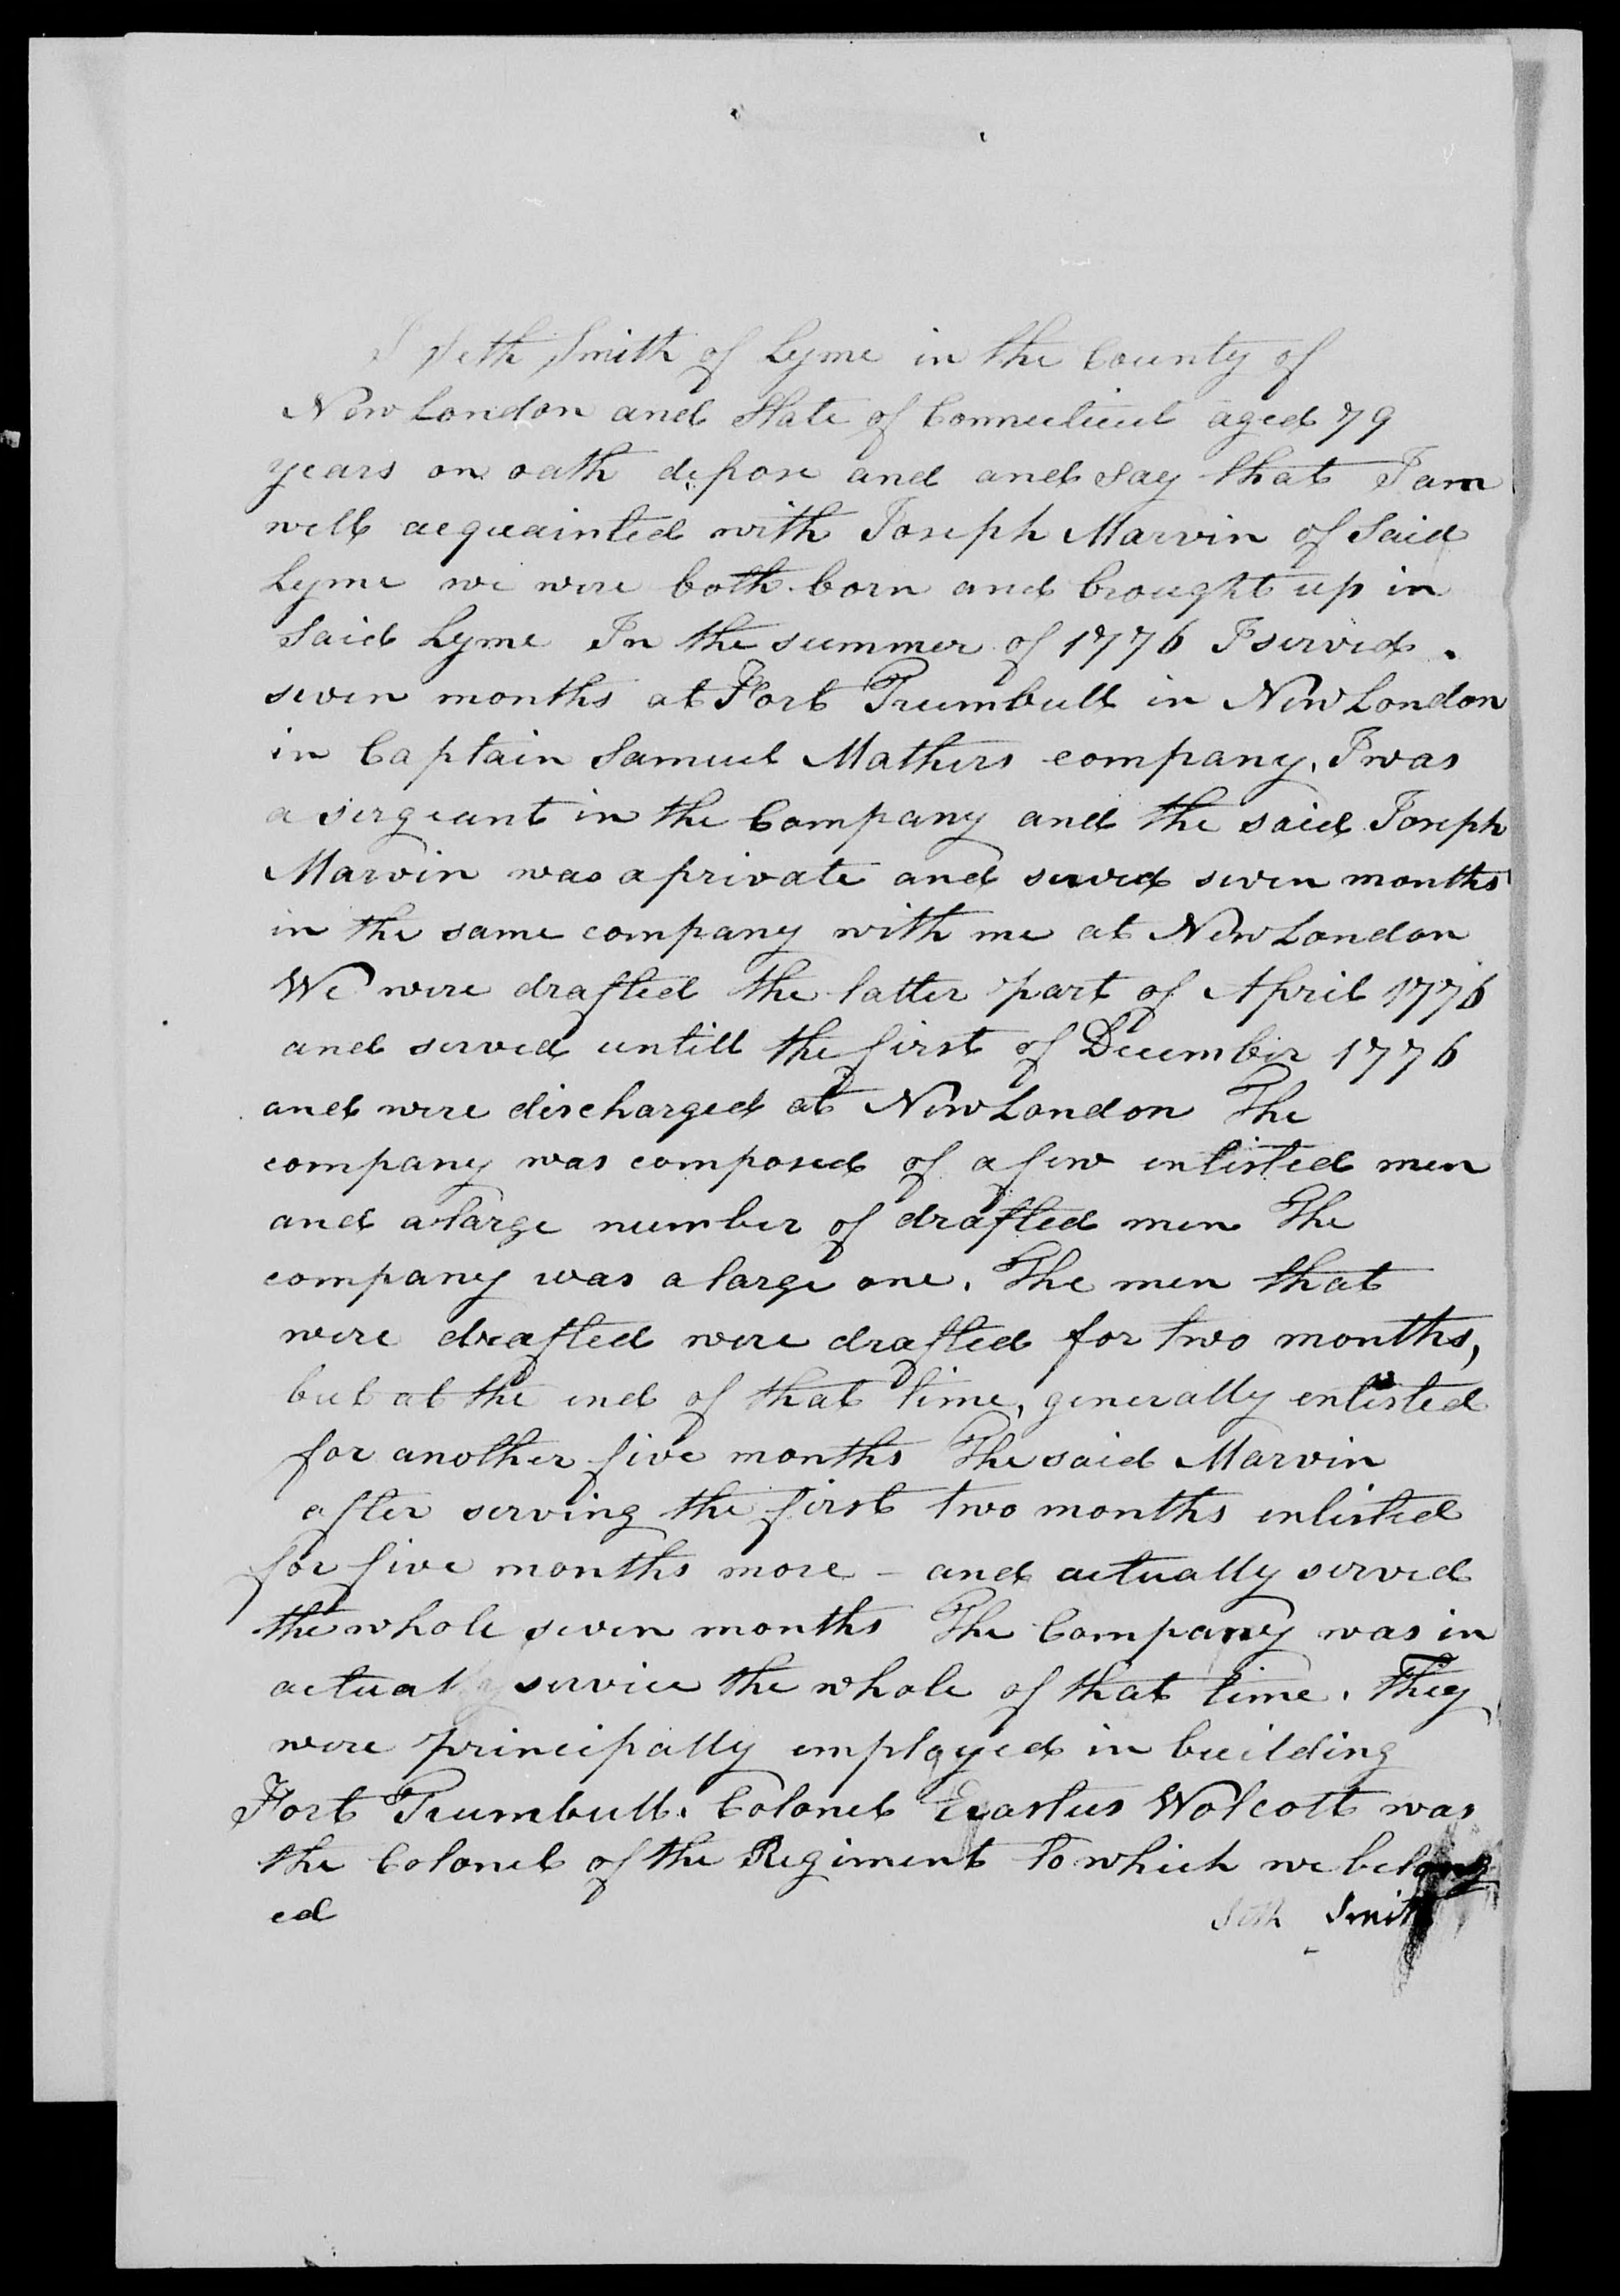I Seth Smith of Lyme in the county of New London and state of Connecticut aged 79 years on oath depose and and say that I am well acquainted with Joseph Marvin of said Lyme we were both born and brought up in said Lyme. In the summer of 1776 I served seven months at Fort Trumbell in New London in Captain Samuel Mathers company, I was a sergeant in the company and the said Joseph Marvin was a private and served seven months in the same company with me at New London. We were drafted the latter part of April 1776 and were discharged at New London. The company was composed of a few enlisted men and a large number of drafted men. The company was a large one. The men that were drafted were drafted for two months, but at the end of that time, generally enlisted for another five months. The said Marvin after serving the first two months enlisted for five months more - and actually served the whole seven months. The company was in actual service the whole of that time. They were principally employed in building Fort Trumbull. Colonel Erastus Wolcott was the Colonel of the regiment to which we belonged 

Seth Smith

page: 7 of 20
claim: survivor's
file: S. 15,516, for Joseph Marvin, Connecticut